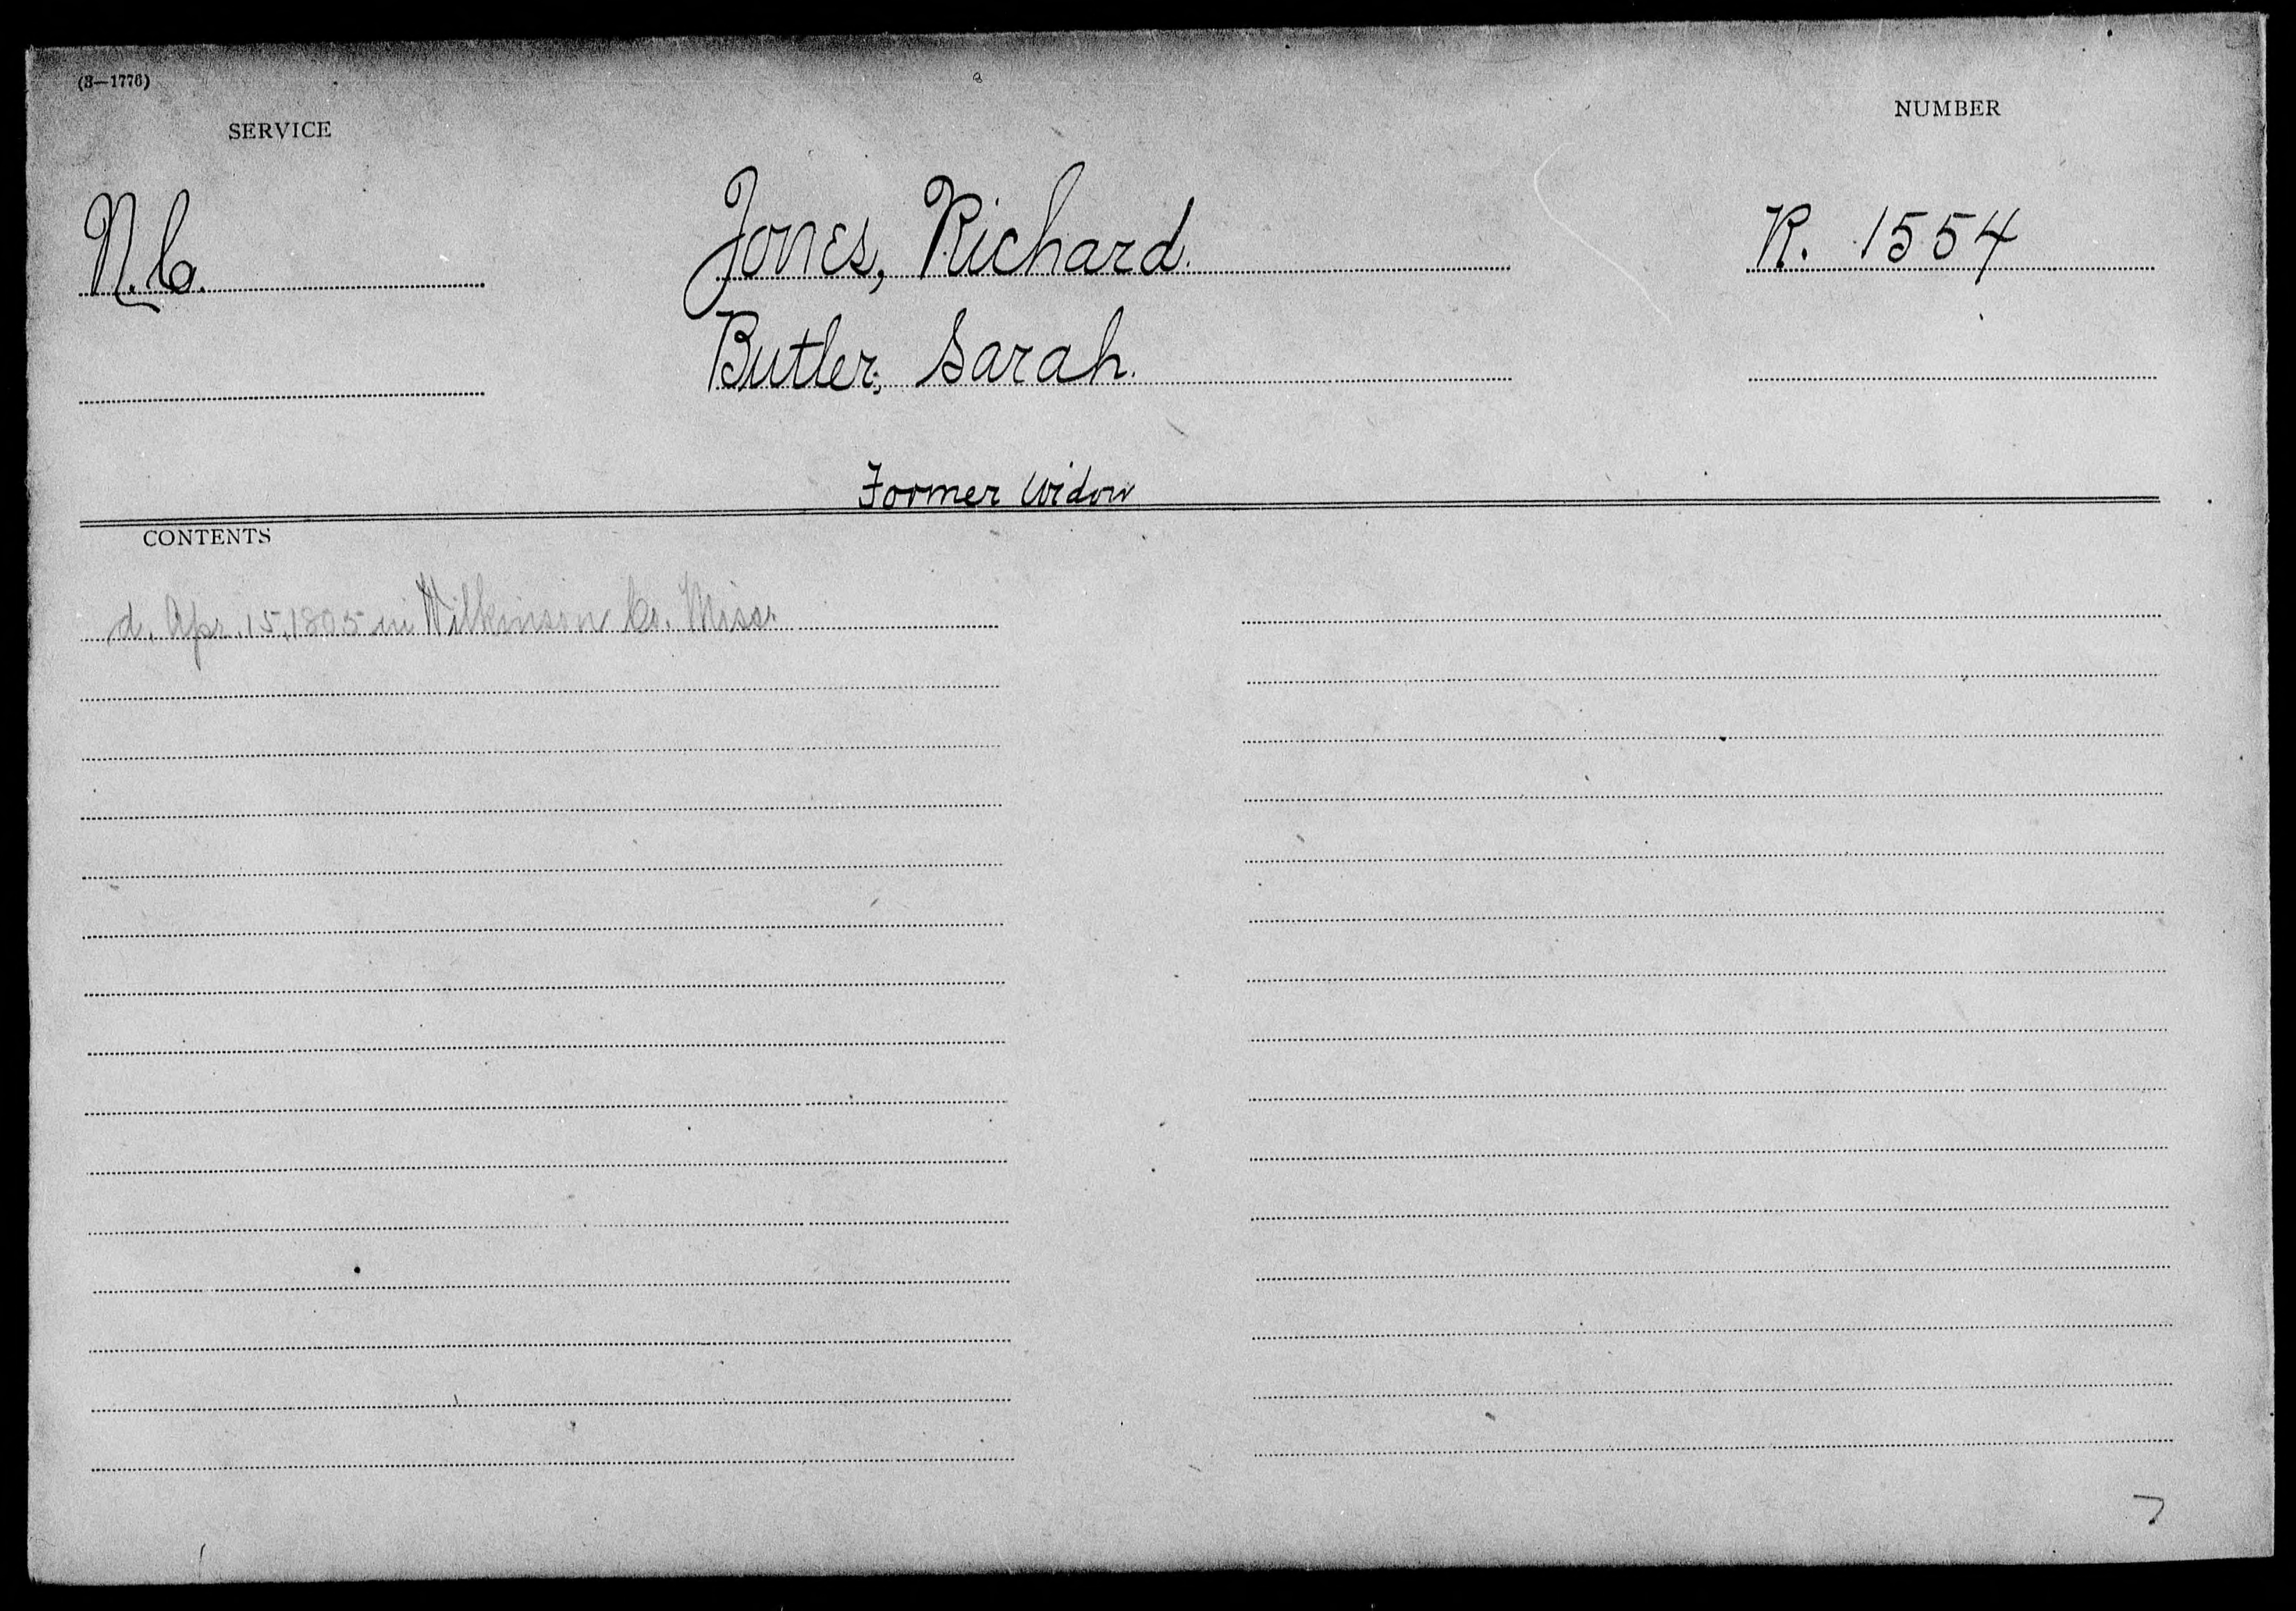(3-1776)

SERVICE
N. C.  

Jones, Richard   
Butler, Sarah
Former Widow

NUMBER
R. 1554

CONTENTS
d. Apr. 15, 1805 in Wilkinson Co. Miss.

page: 1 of 33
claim: rejected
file: R. 1554, for Richard Jones, North Carolina